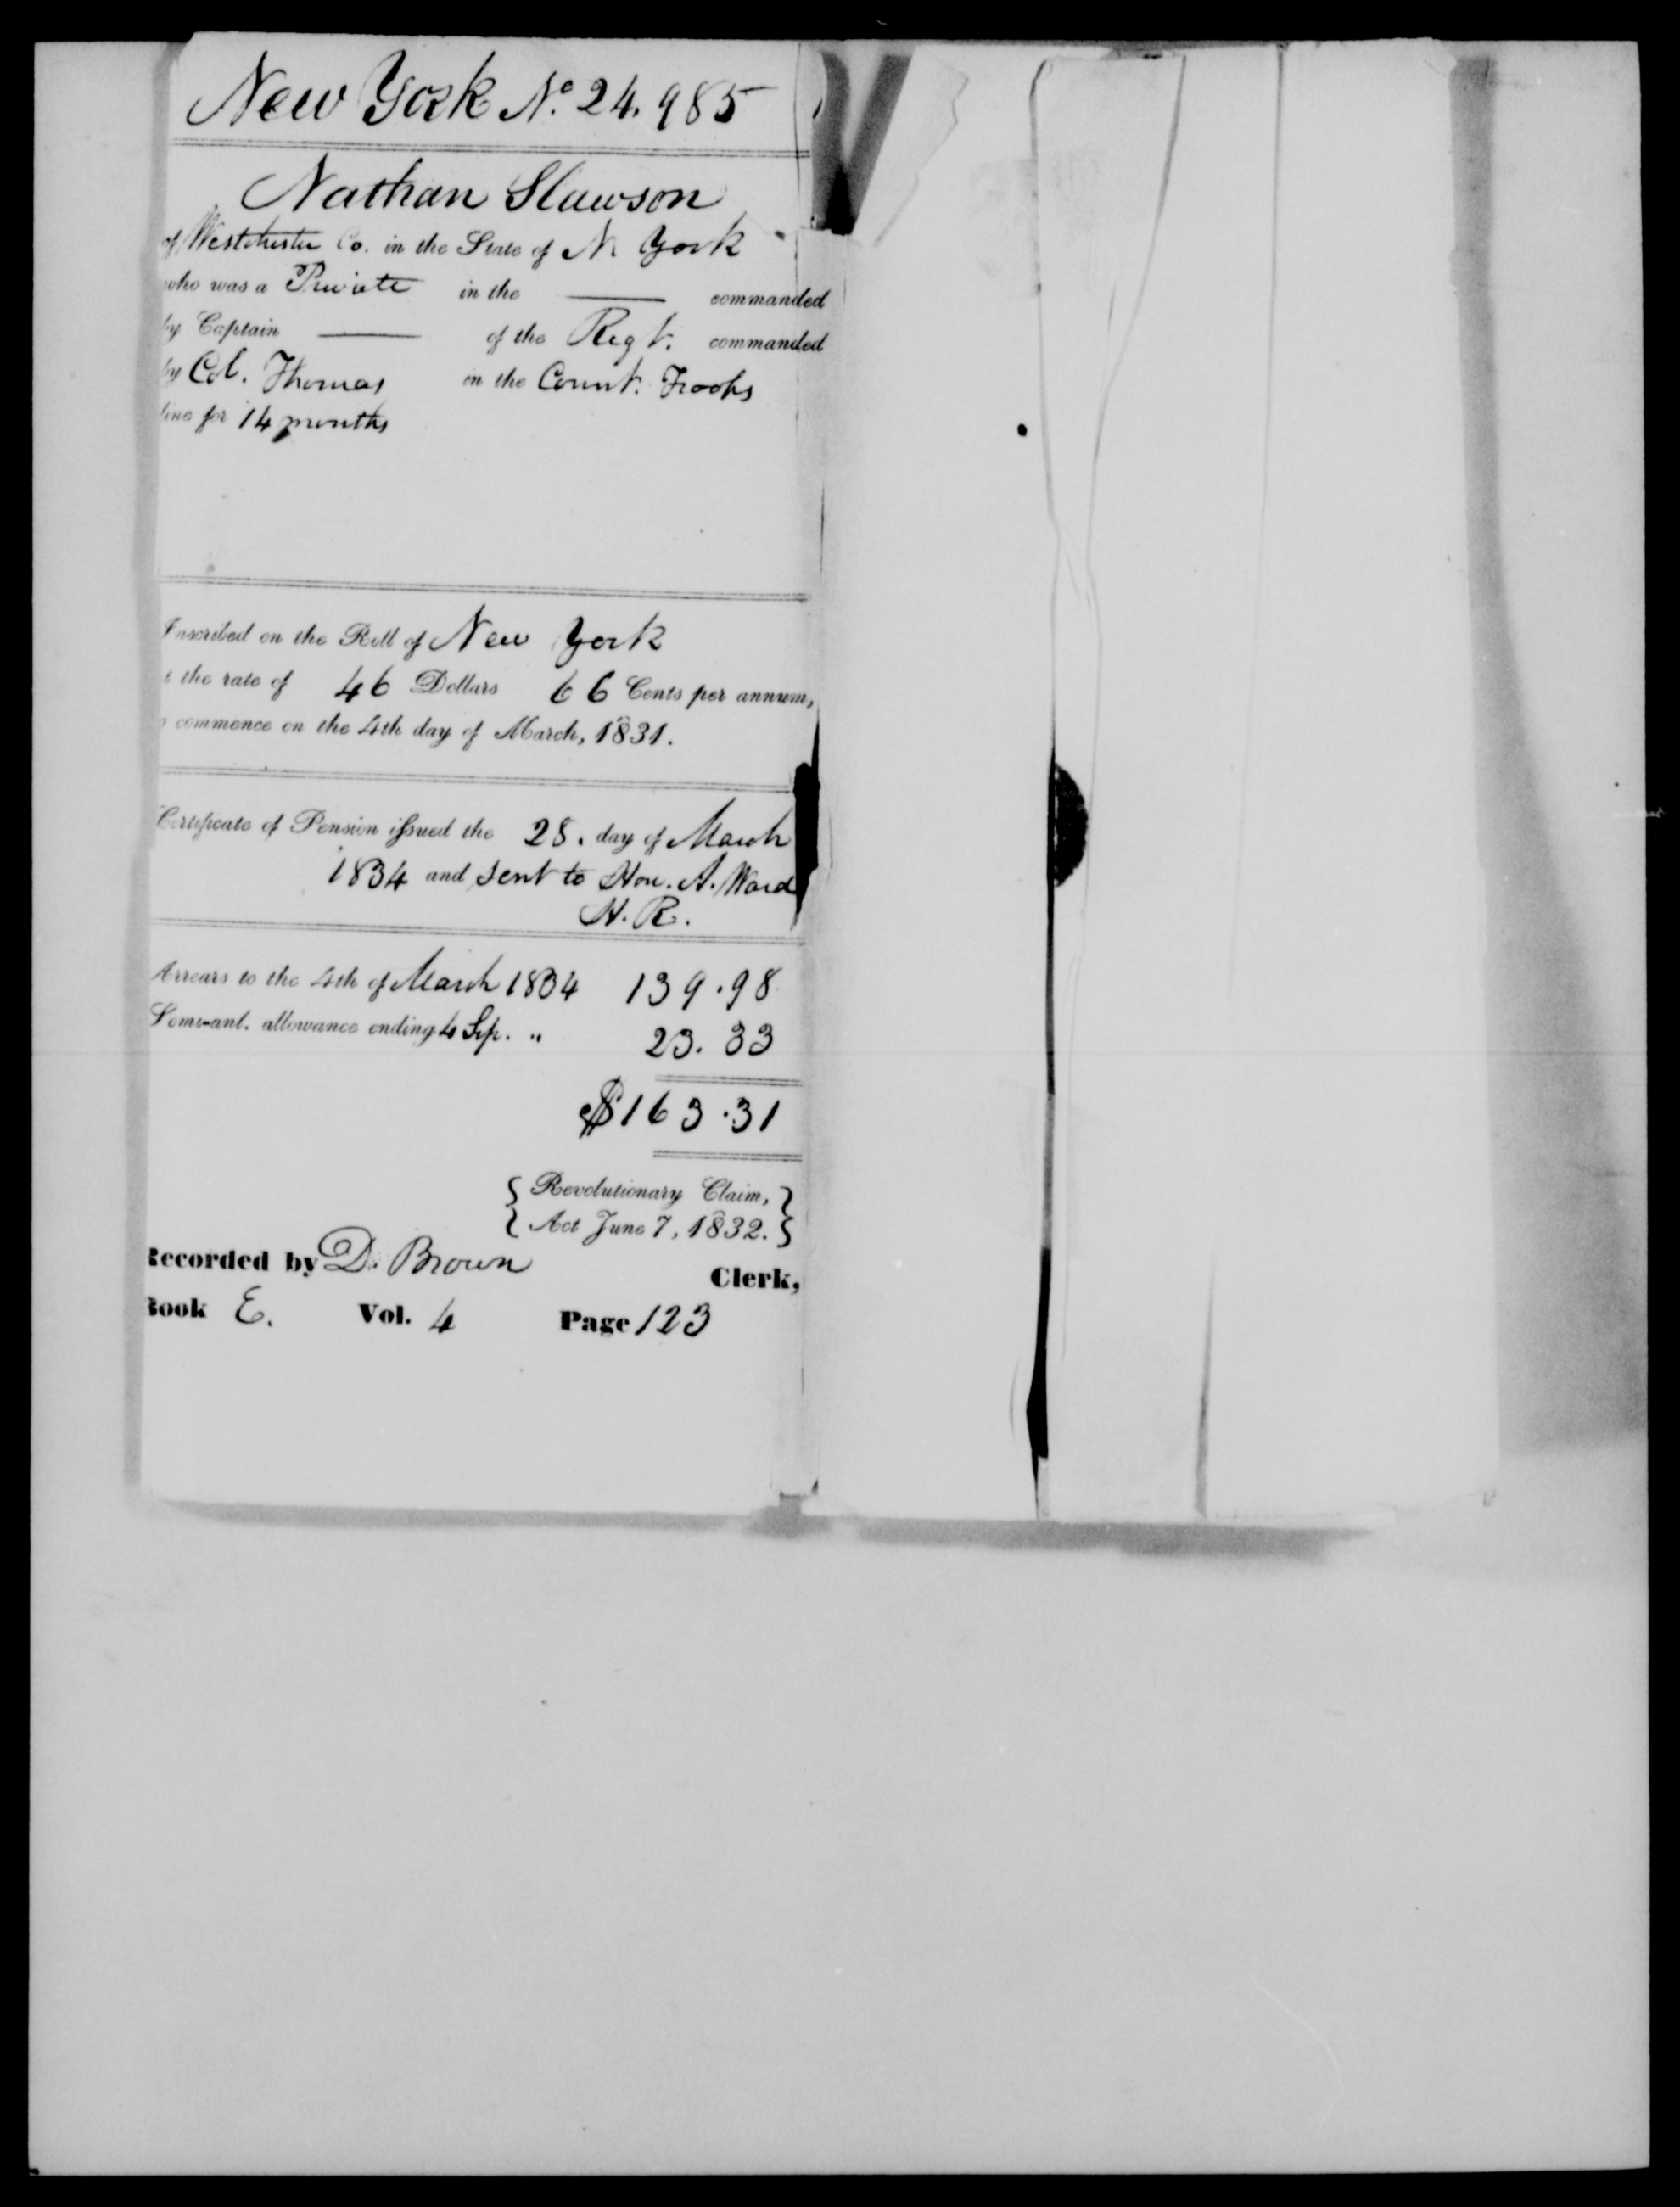New York No 24.985 
Nathan Slawson of Westchester Co. in the State of N. York who was a Private in the - commanded by Captain  - of the Regt. commanded by  Col. Thomas  in the Conn’t Troops line for 14 months 
Inscribed on the Roll of New York the rate of 46 Dollars 66 Cents per annum, to commence on the 4th day of March, 1831. 
Certificate of Pension issued the 28 day of March 1834 and sent to Hon. A. Ward H. R. 
Arrears to the 4th of March 1834   139.98 
Semi-anl. allowance ending 4 Sep 1834   23.33 
$163.31
{Revolutionary Claim, Act June 7, 1832.
Recorded by D. Brown clerk
Book E. Vol. 4 , Page 123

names: A Ward; D Brown; Nathan Slawson; [BLANK] Thomas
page: 2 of 87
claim: widow's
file: W. 22,226, for Nathan Slawson, Connecticut